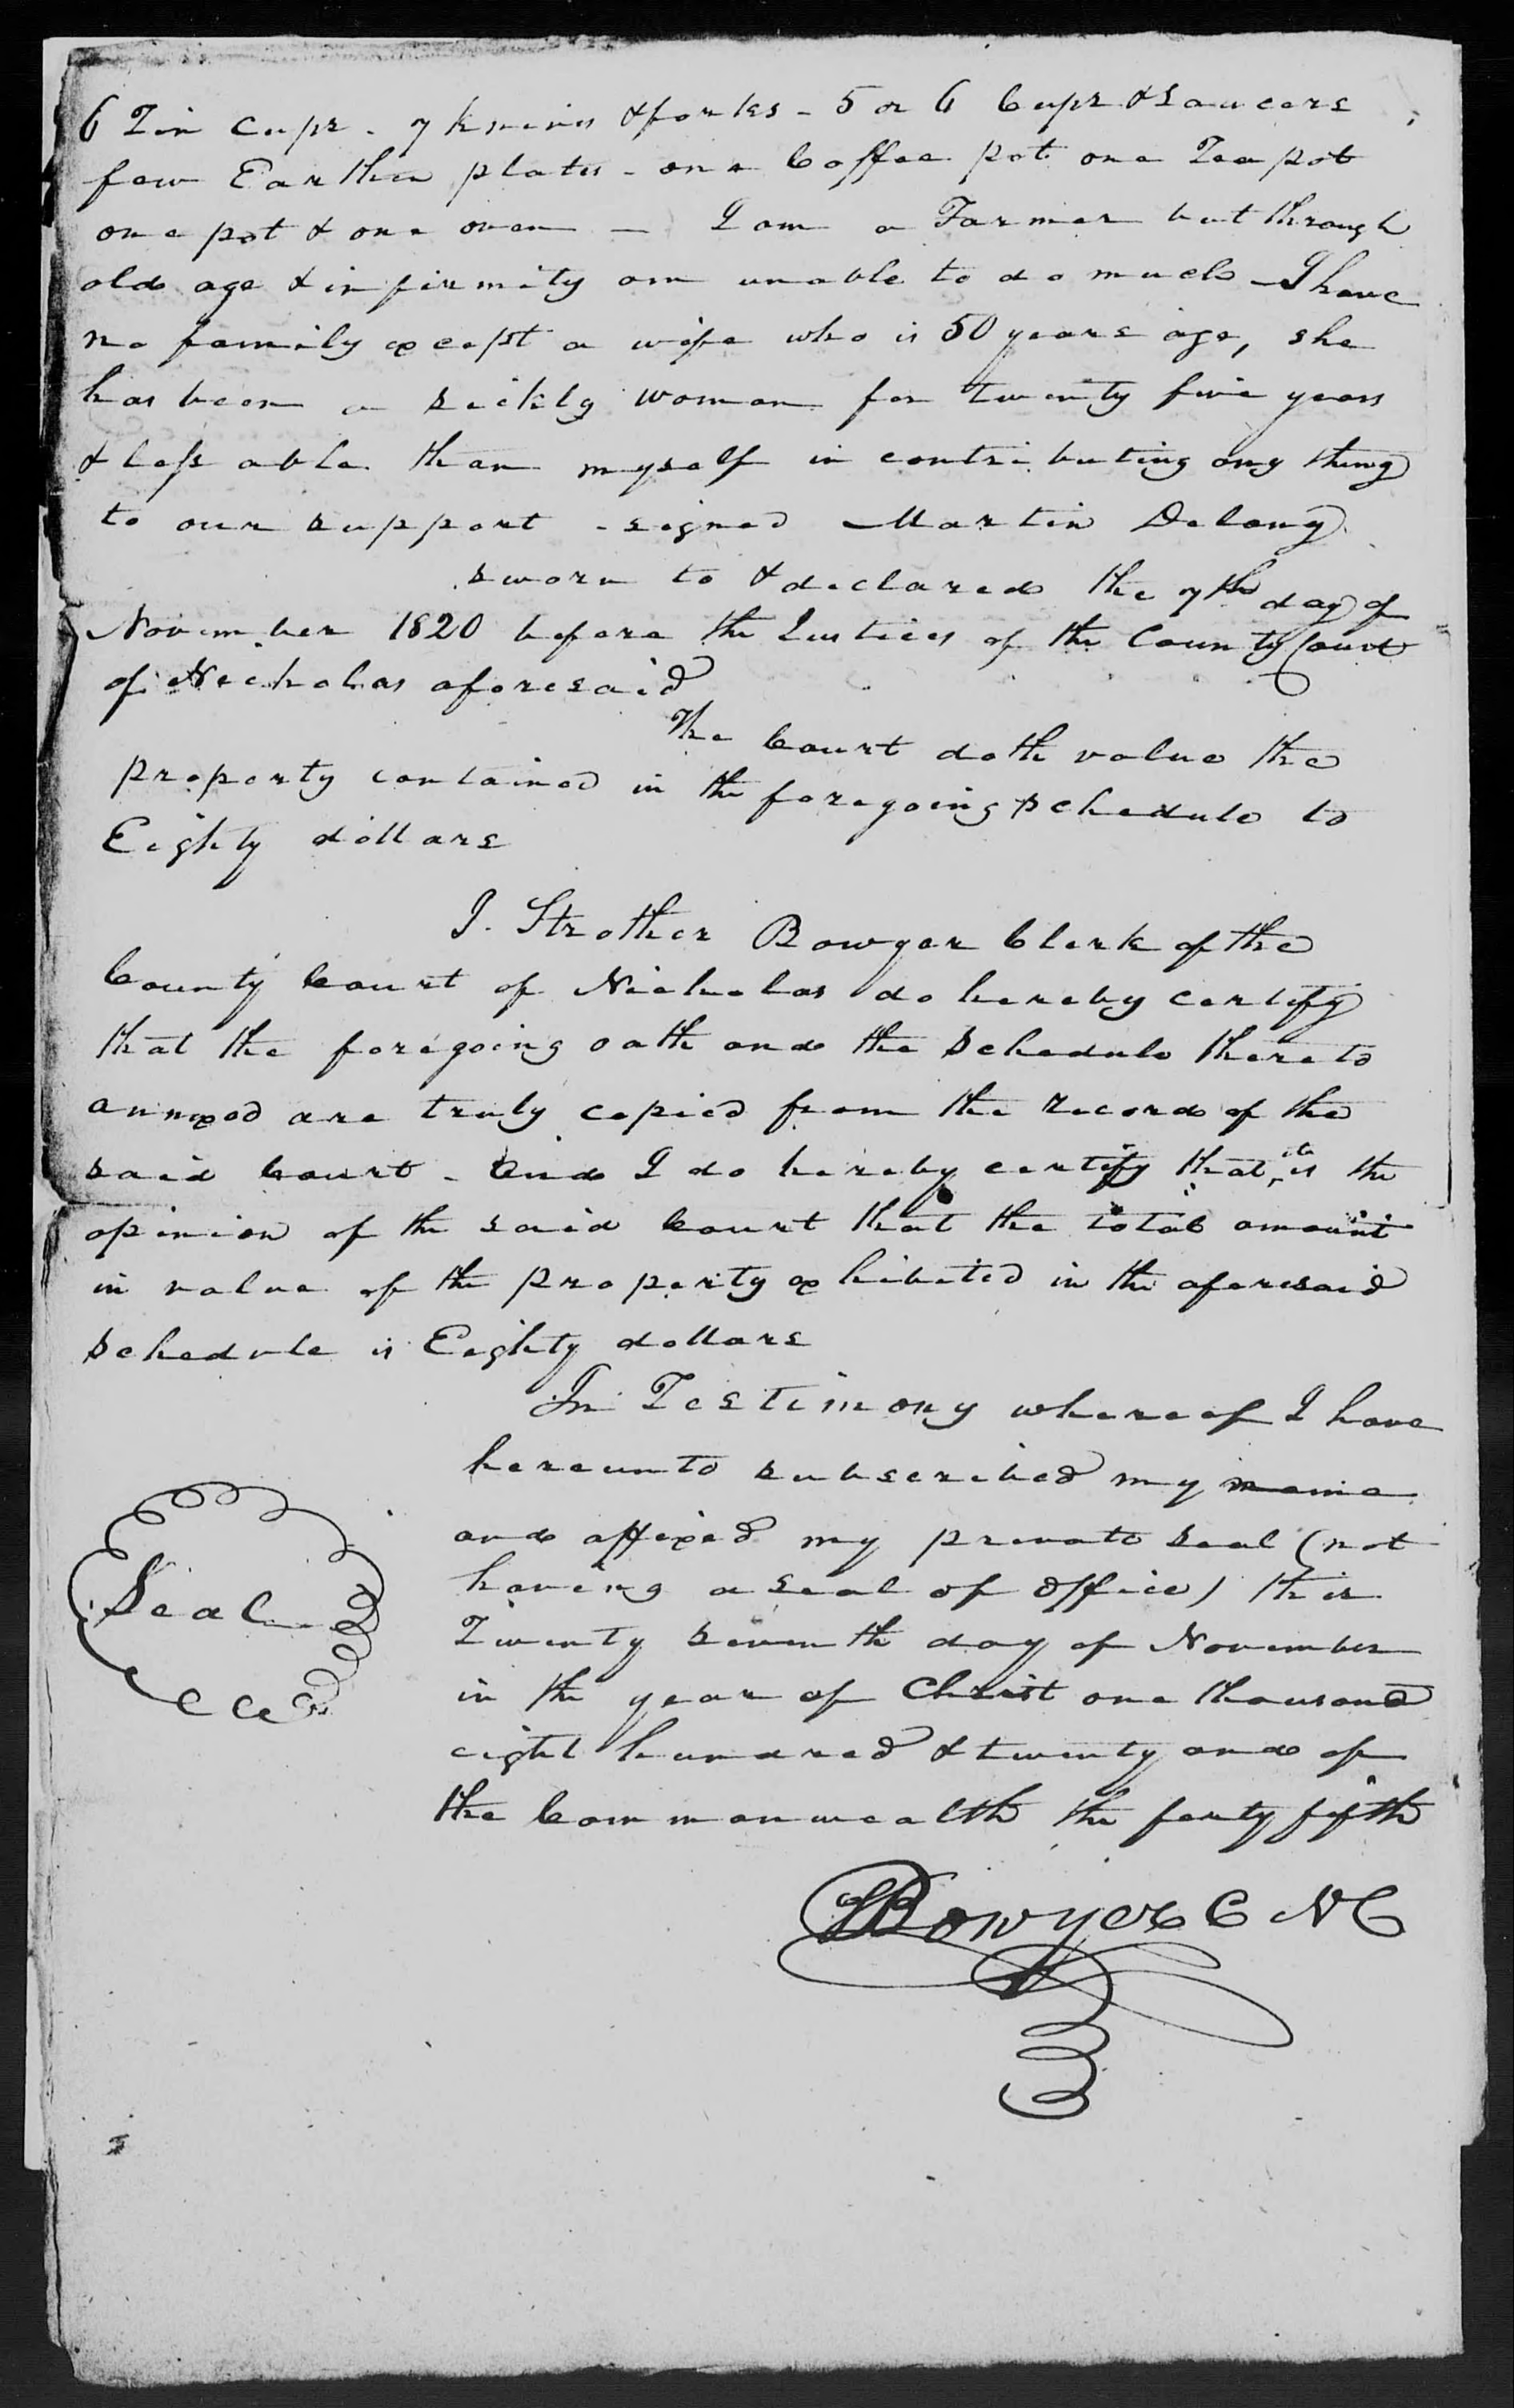6 tin cups
7 Knives & forks, 
5 or 6 Cup & Saucers
Few Earthen plates 
one coffee pot 
one tea pot
on pot & one oven
I am a farmer but through old age & infirmity am unable to do much. I have no family except a wife who is 50 years of age. She has been a sickly woman for twenty-five years & less able than myself in contributing any thing to our support.
Signed Martin Delany
Sworn to & declared the 7th day of November 1820 before the Justices of the County Court
of Nicholas aforesaid
The Court doth value the property contained in the foregoing schedule to Eighty dollars
I, Strother Bowyer, Clerk of the County Court of Nicholas, do hereby certify that the foregoing oath and the schedule thereto annexed are truly copied from the record of the said Court and I do hereby certify that is the opinion of the said Court that the total amount in value of the property exhibited in the aforesaid schedule is Eighty dollars.
In Testimony whereof I have hereunto subscribed my name and affixed my private seal (not having a seal of office) this Twenty- Seventh day of November in the year of Christ one thousand eight hundred & twenty and of
the Commonwealth the forty fifth
S. Bowyer C N C
SEAL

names: Strother Bowyer, S Bowyer, Martin Delany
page: 13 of 22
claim: survivor's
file: S. 3,9425, Martin Delany, Penn.